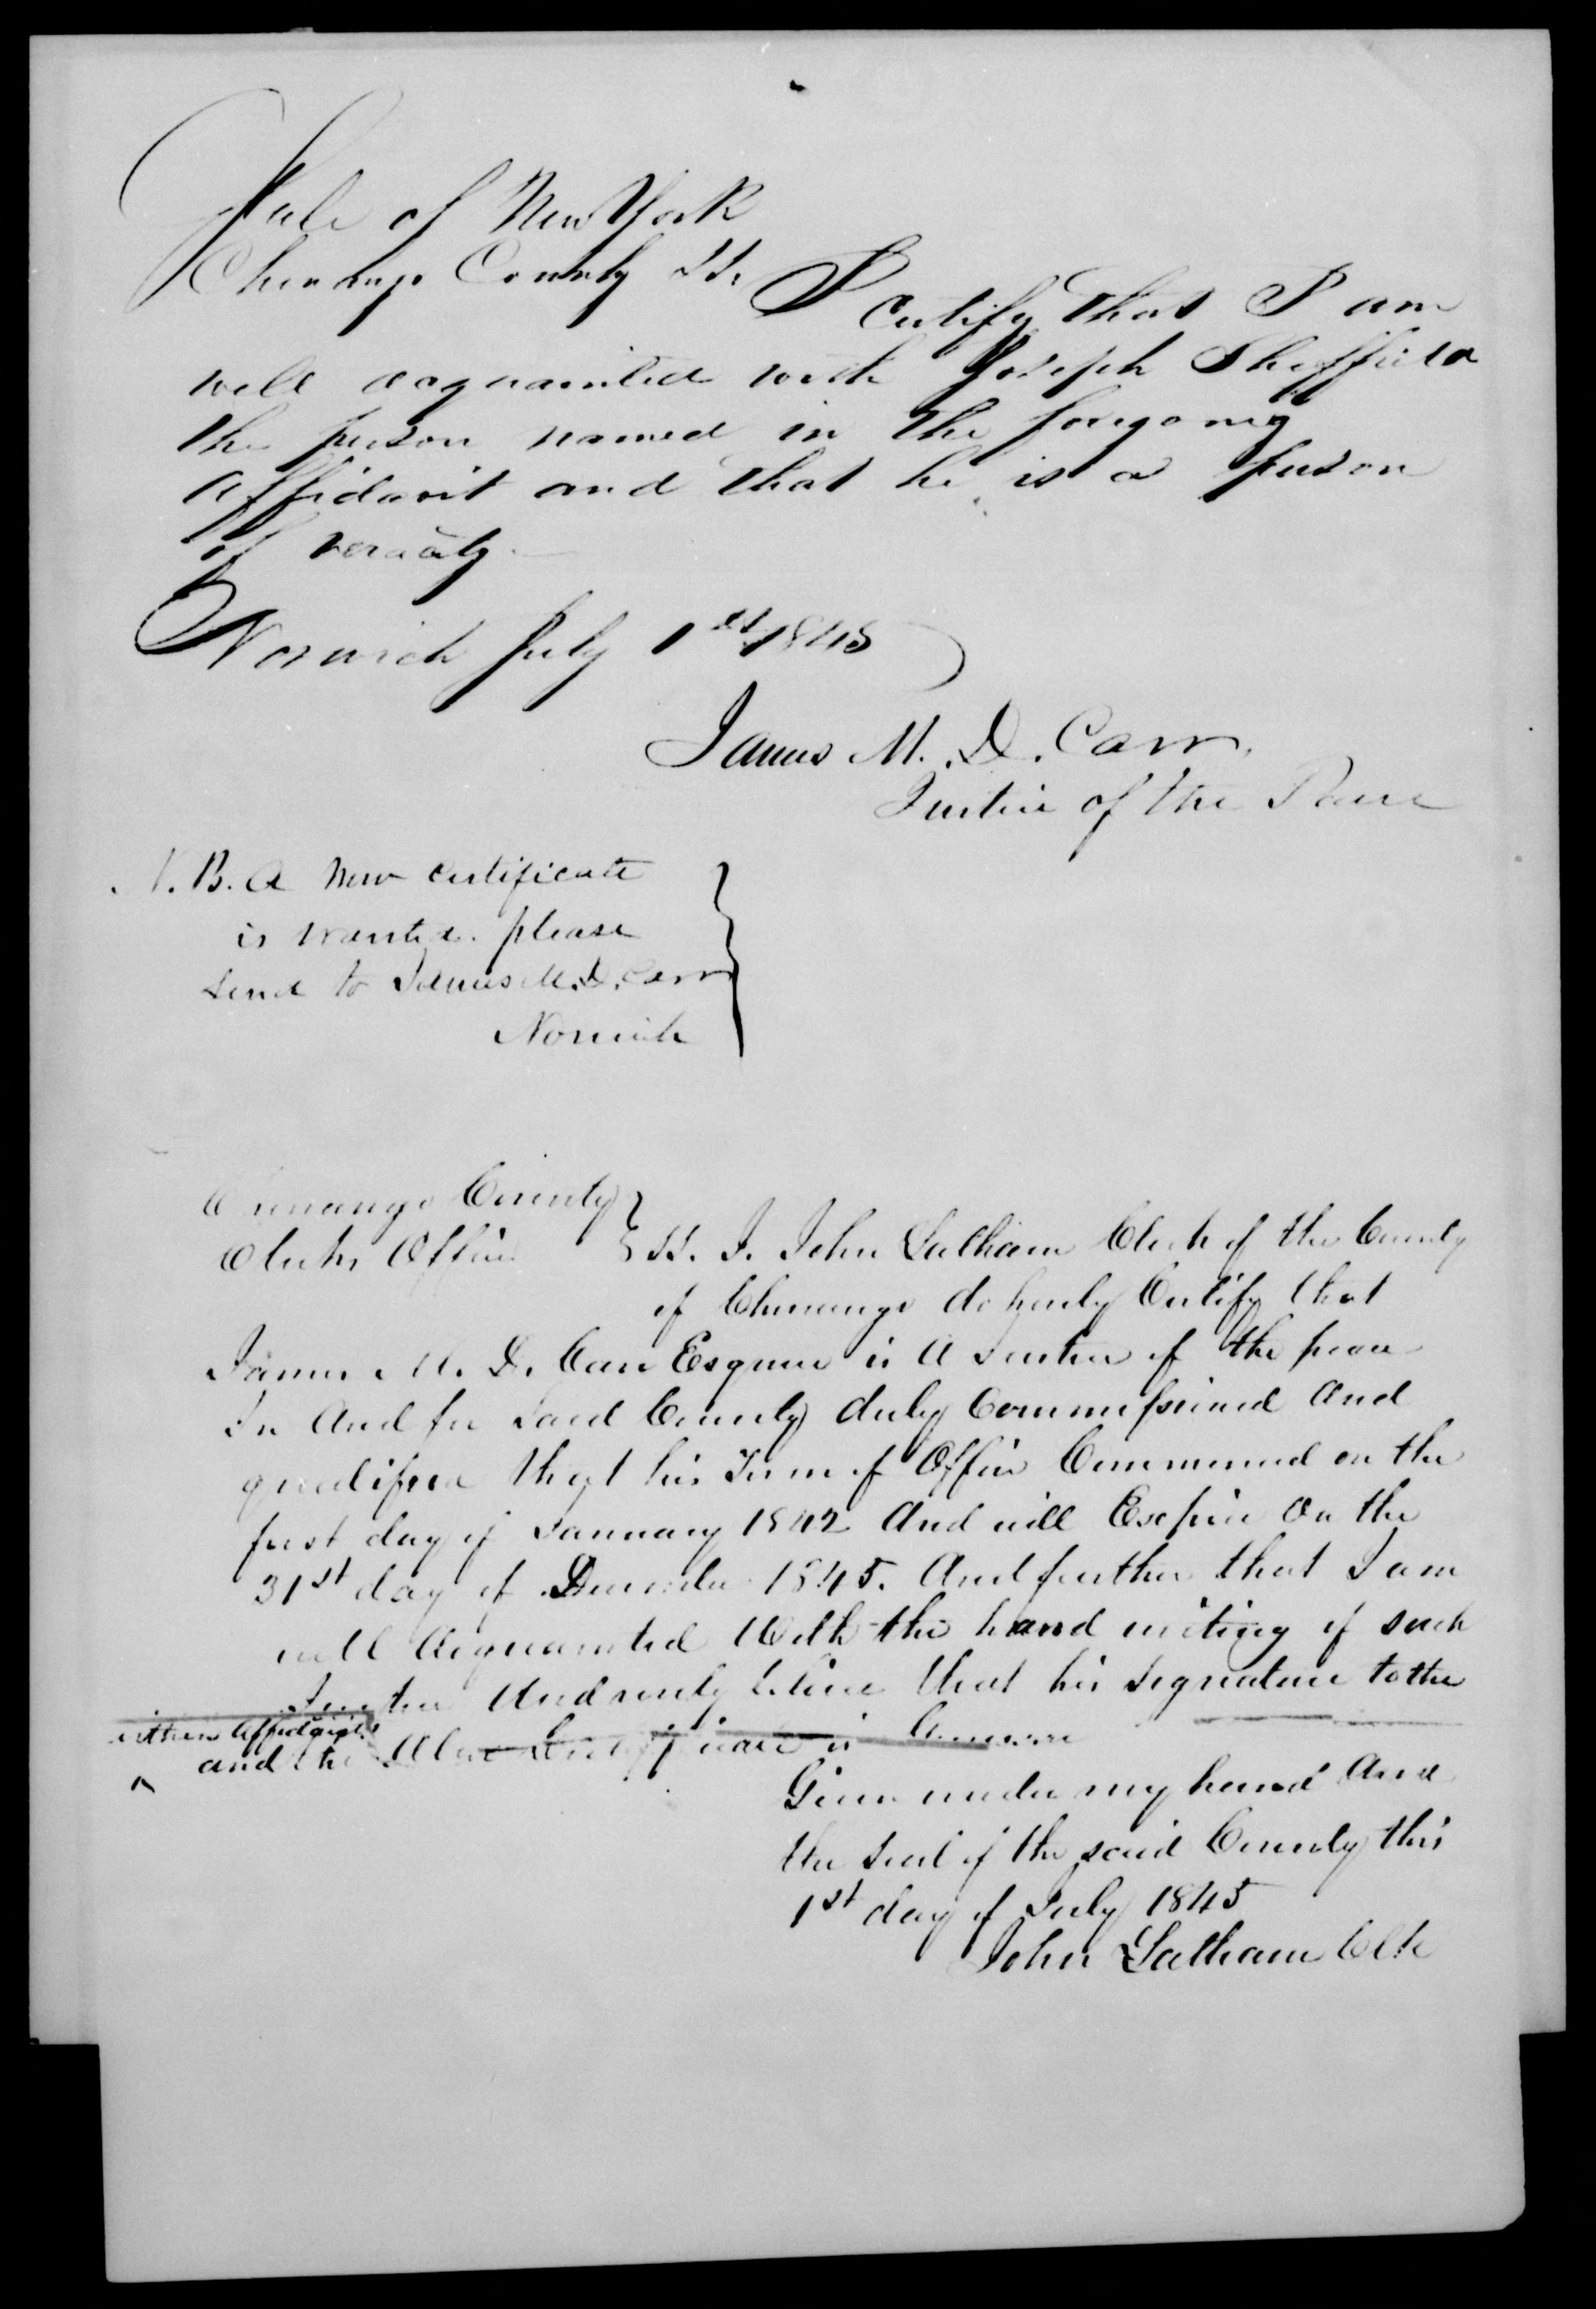State of New York
Chenango County
I certify that I am well acquainted with Joseph Sheffield
the person named in the foregoing Affidavit and that he is a person
of veracity
Norwich July 11th 1845
James M. D. Carr
Justice of the Peace

A. B. A new certificate is wanted, please send to James M. D. Carr
Norwich

Chenango County 
Clerks Office   ⎬ SS. 
I, John Latham Clerk of the County
of Chenango do herby certify that
James M. D. Carr Esquire is a Justice of the peace
in and for said County duly commissioned and
qualified that his term of Office commenced on the
first day of January 1842 and will expire on the
31st day of June 1845. And further that I am
will acquainted with the hand writing of such
Justice and believe that his signature to the
written affidavit and the above certificate is genuine
-
Given under my hand and
the seal of the said County this
1st day of July 1845
John Latham Clk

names: James M D Carr; James M D Carr; John Latham; John Latham; James M D Carr; Joseph Sheffield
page: 13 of 25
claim: survivor's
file: S. 42,272, for Joseph Sheffield, Connecticut